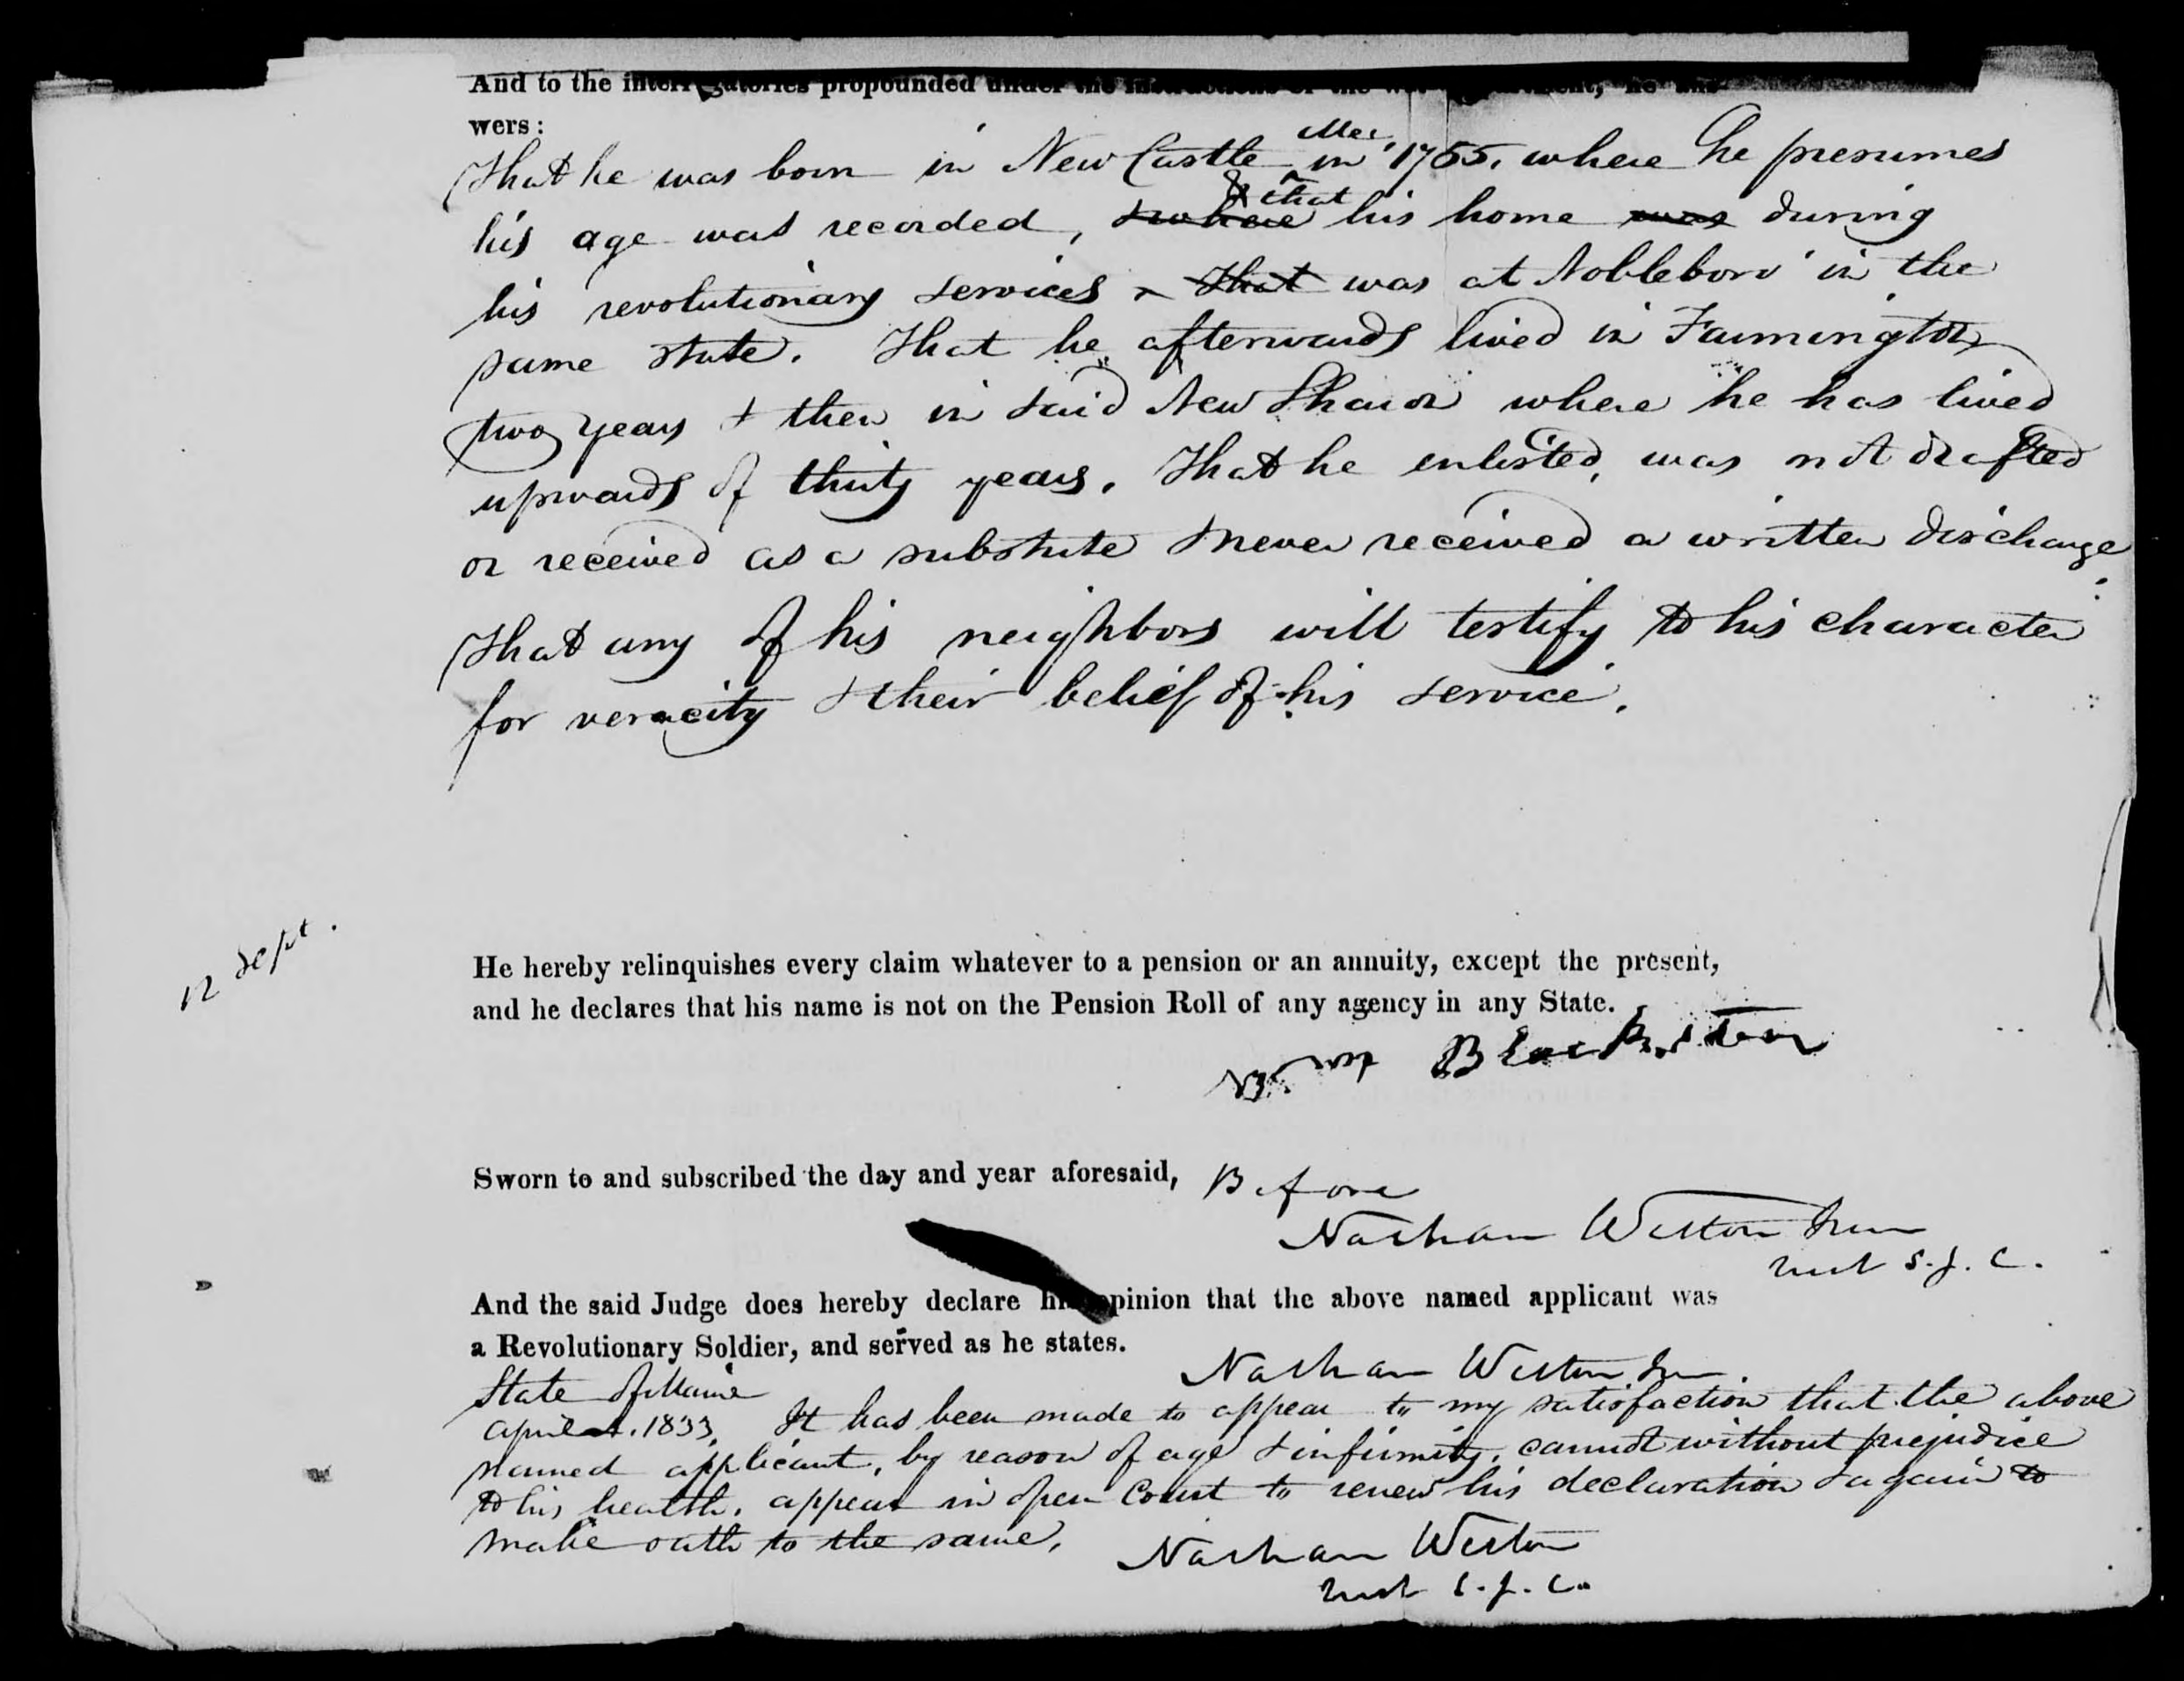And to the [rest of top line illegible]

That he was born in New Castle Me in 1755, where he presumes
his age was recorded, & that his home [crossed out: was] during
his revolutionary services [crossed out: that] was at Nobleboro in the same state. That he afterwards lived in Farmington
two years & then in said New Sharon where he has lived
upwards of thirty years. That he enlisted was not drafted
or received as a substute & never received a written discharge
That any of his neighbors will testify to his character
for veracity & their belief of his service.

[Left-hand side of paper: 12 Sept.]
He hereby relinquishes every claim whatever to a pension or an annuity, except the present,
and he declares that his name is not on the Pension Roll of any agency in any State.
[Signature] Wm Blackston

Sworn to and subscribed the day and year aforesaid, before Nathan Weston [illegible]
[illegible] S.J.C.

And the said Judge does hereby declare his opinion that the above named applicant was
a Revolutionary Soldier, and served as a he states.
State of Maine   Nathan Weston Esq
April 1833.   It has been made to appear to my satisfaction that the above
named applicant by reason of age & infirmity cannot without prejudice
to his health appear in open Court to renew his declaration & again to
make oath to the same. 
Nathan Weston
[illegible] S. J. C.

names: Nathan Weston, Nathan Weston, Nathan Weston, Wm Blackston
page: 5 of 14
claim: survivor's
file: S. 30,869, William Blackston, Mass.